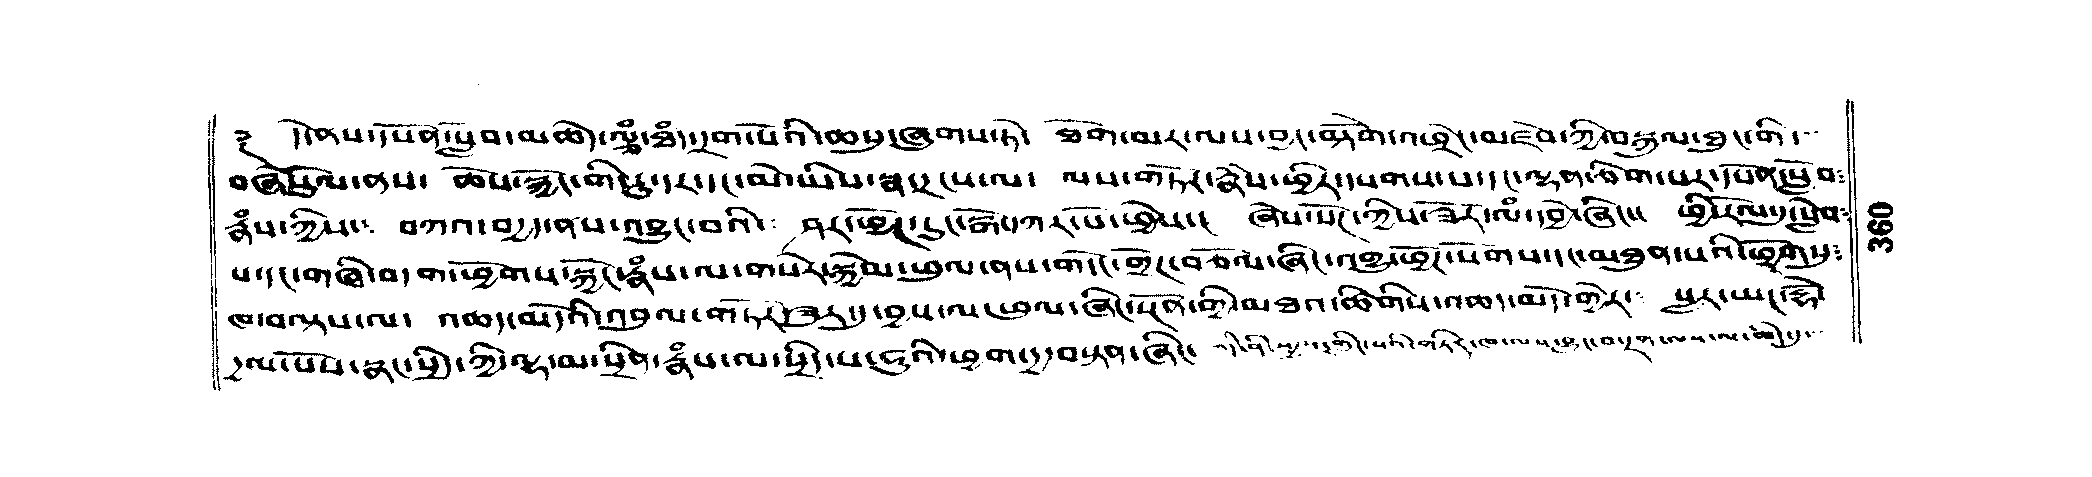༈ དེ་ནས་དཔོན་སློབ་མཆེད་ལྕམ་ཐམས་ཅད་དྲག་པོའི་ཆས་སུ་ཞུགས་ཏེ། ཐོག་མར་ལས་བྱཧང་མེ་ཏོག་འཕྲེང་མཛེབ་ཀྱི་བསྐུལ་ཐུང་གི་
བཞེས་སུ་གསོལ་ནས། ཆོས་སྐྱོང་གི་རུ་དར་དང་མེ་ཡིས་སྣ་དྲངས་ལ། ལས་གཏོར་རྣམས་ཕྱིར་དཔག་པ་དང་ལྷན་ཅིག་པར་དཔོན་སློབ་
རྣམས་ཀྱིས། བཀའ་བརྒྱད་ནས་འབྱུང་བའི༴ ཤར་ཕྱོགས་དུང་སྒོ་དཀར་པོ་ཕྱེས། ཞེས་སོགས་ཀྱིས་ཟེར་ལམ་དབྱེ་ཞིང་། ཕྱི་རོལ་དུ་སླེབ་
པ་དང་གཞི་བདག་ཕྱོགས་སྐྱོང་རྣམས་ལ་གསེར་སྐྱེམ་ཕུལ་ནས་གདོང་གྲོགས་བཅོལ་ཞིང་འགྱུ་ཕྱོགས་སོགས་དང་མཐུན་པའི་ཕྱོགས་སུ་
ཁ་བལྟས་ལ། འཆད་མདོའི་འབུལ་གཏོར་ཟུར་དུ་བྱས་ལ་ཕུལ་ཞིང་སྔོན་གྱི་མཐའ་ཚིག་གིས་འཆད་མེད་གྱེར༴ སླར་ཡང་རྡོ་རྗེ་
རྒྱལ་པོས་སྣང་སྲིད་ཀྱི་ལྷ་མ་སྲིན་རྣམས་ལ་སྲིད་པ་ཧུའི་ཕྱག་རྒྱ་བསྟན་ཞིང་། འདི་ནི་སངས་རྒྱས་གླིང་པའི་གཏེར་ཁ་ལས་བྱུང་བ་དྲ་ལས་མ་ཆེད་དུ་